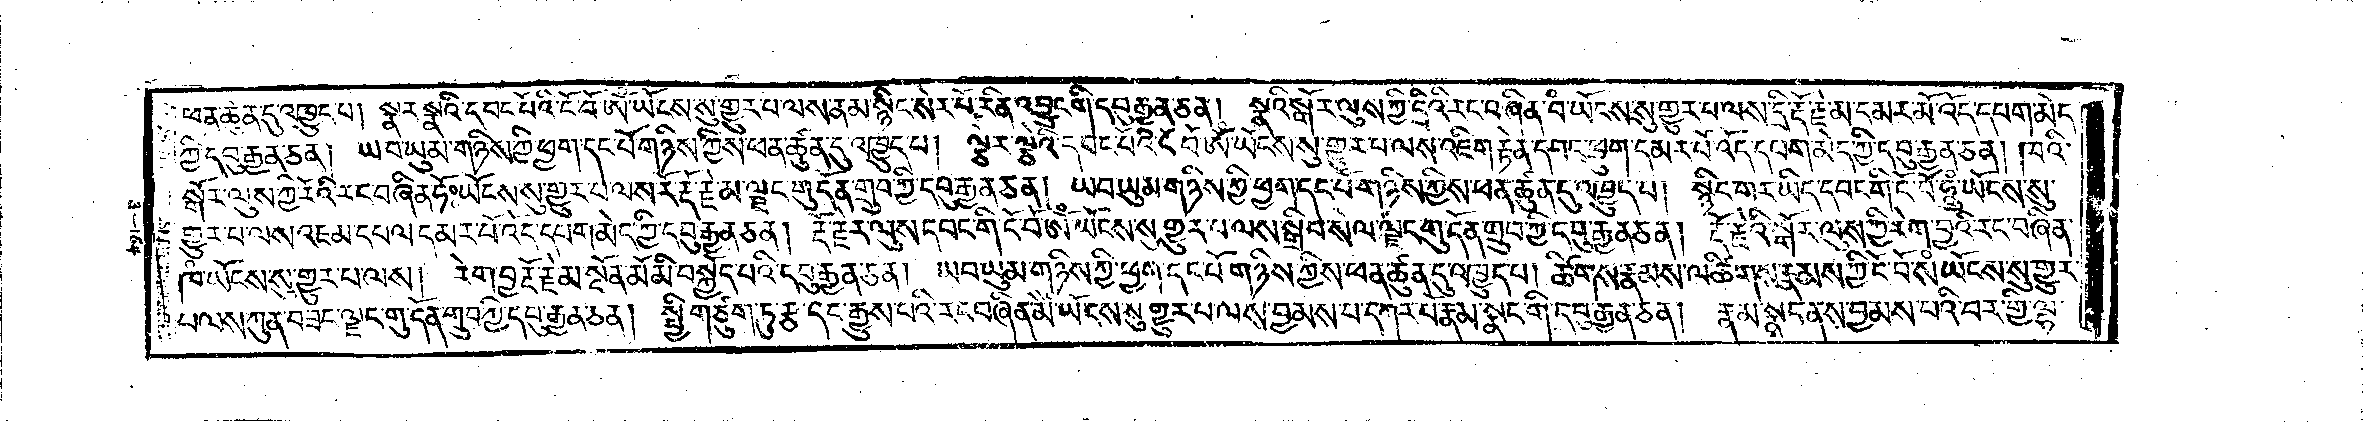ཕན་ཆེན་དུ་འཁྱུད་པ། སྣར་སྣའི་དབང་པོའི་ངོ་བོ་ཨོཾ་ཡོངས་སུ་གྱུར་པ་ལས་ནམ་སྙིང་སེར་པོ་རིན་འབྱུང་གི་དབུ་རྒྱན་ཅན། སྣའི་སྒོར་ལུས་ཀྱི་དྲིའི་རང་བཞིན་བཾ་ཡོངས་སུ་གྱུར་པ་ལས་དྲི་རྡོ་རྗེ་མ་དམར་མོ་འོད་དཔག་མེད་
ཀྱི་དབུ་རྒྱན་ཅན། ཡབ་ཡུམ་གཉིས་ཀྱི་ཕྱག་དང་པོ་གཉིས་ཀྱིས་ཕན་ཚུན་དུ་འཁྱུད་པ། ལྕེར་ལྕེའི་དབང་པོའི་ངོ་བོ་ཨོཾ་ཡོངས་སུ་གྱུར་པ་ལས་འཇིག་རྟེན་དབང་ཕྱུག་དམར་པོ་འོད་དཔག་མེད་ཀྱི་དབུ་རྒྱན་ཅན། ཁའི་
སྒོར་ལུས་ཀྱི་རོའི་རང་བཞིན་ཧོཿ ཡོངས་སུ་གྱུར་པ་ལས་རོ་རྡོ་རྗེ་མ་ལྗང་གུ་དོན་གྲུབ་ཀྱི་དབུ་རྒྱན་ཅན། ཡབ་ཡུམ་གཉིས་ཀྱི་ཕྱག་དང་པོ་གཉིས་ཀྱིས་ཕན་ཚུན་དུ་ལ་འབྱུང་པ། སྙིང་གར་ཡིད་དབང་གི་ངོ་བོ་ཧཱུཾ་ཡོངས་སུ་
གྱུར་པ་ལས་འཇམ་དཔལ་དམར་པོ་འོད་དཔག་མེད་ཀྱི་དབུ་རྒྱན་ཅན། རྡོ་རྗེར་ལུས་དབང་གི་ངོ་བོ་ཨོཾ་ཡོངས་སུ་གྱུར་པ་ལས་སྒྲིབ་སེལ་ལྗང་གུ་དོན་གྲུབ་ཀྱི་དབུ་རྒྱན་ཅན། རྡོ་རྗེའི་སྒོར་ལུས་ཀྱི་རེག་བྱའི་རང་བཞིན་
ཁཾ་ཡོངས་སུ་གྱུར་པ་ལས། རེག་བྱ་རྡོ་རྗེ་མ་སྔོན་མོ་མི་བསྐྱོད་པའི་དབུ་རྒྱན་ཅན། ཡབ་ཡུམ་གཉིས་ཀྱི་ཕྱག་དང་པོ་གཉིས་ཀྱིས་ཕན་ཚུན་དུ་འཁྱུད་པ། ཚིགས་རྣམས་ལ་ཚིགས་རྣམས་ཀྱི་ངོ་བོ་སཾ་ཡོངས་སུ་གྱུར་
པ་ལས་ཀུན་བཟང་ལྷང་གུ་དོན་གྲུབ་ཀྱི་དབུ་རྒྱན་ཅན། སྤྱི་གཙུག་ཏུ་རྩ་དང་རྒྱུས་པའི་རང་བཞིན་མཻཾ་ཡོངས་སུ་གྱུར་པ་ལས་བྱམས་པ་དཀར་པོ་རྣམ་སྣང་གི་དབུ་རྒྱན་ཅན། རྣམ་སྣང་ནས་བྱམས་པའི་བར་གྱི་ལྷ་